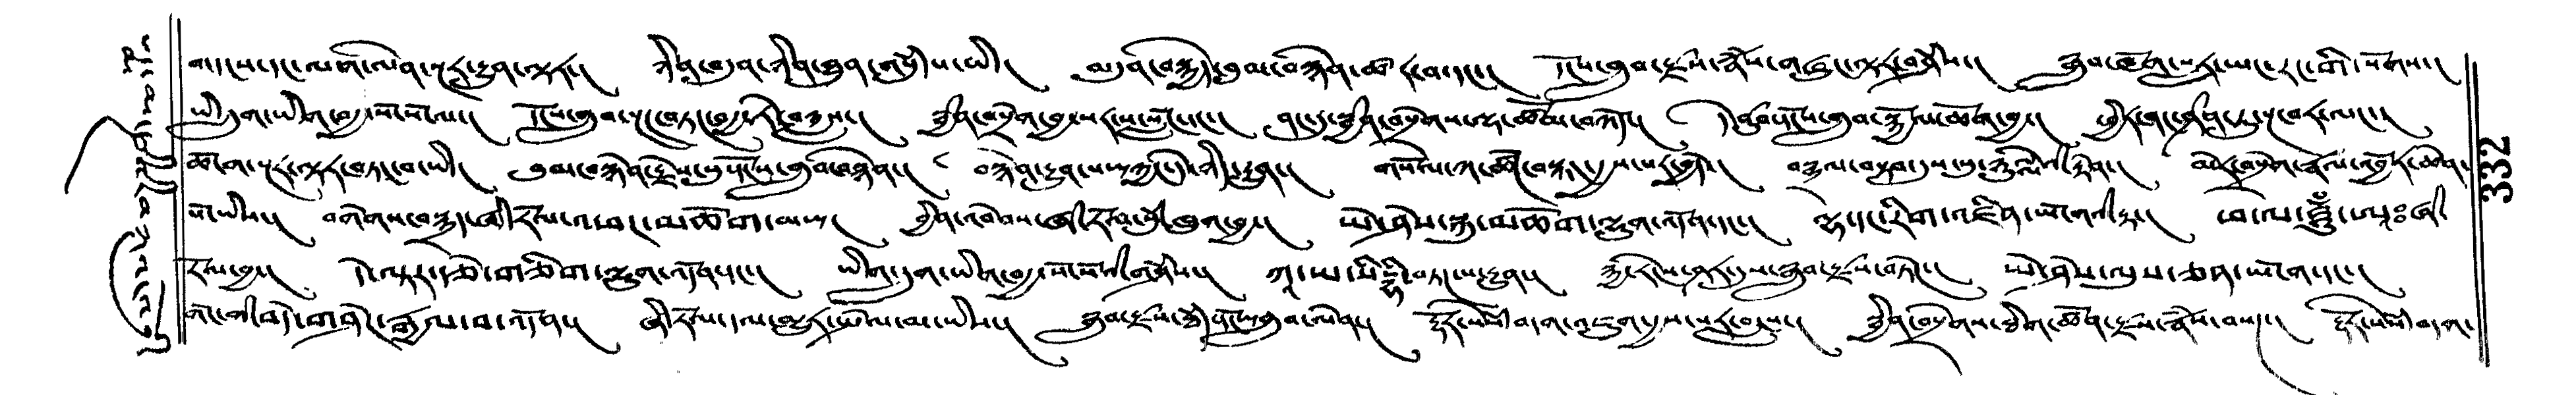།གདངས་དང་ལག་ལེན་སྔར་རྒྱུན་ལྟར། །ཉིན་བདུན་ཉིན་ཐུན་གསུམ་པ་ཡི། །མདུན་བསྐྱེད་བུམ་བསྙེན་ཚར་བ་དང་། །དངོས་གྲུབ་རྫས་རྣམས་གཞུང་ལྟར་བཤམས། །སྒྲུབ་ཁོག་སླར་ཡང་རང་གི༴ སོགས། །
ཡིག་དྲུག་ཡིག་བརྒྱ་སོ་སོ་ལ། །དངོས་གྲུབ་སྔགས་བཏགས་བརྒྱ་རེ་བཟླ། །སྦྱིན་བསྲེག་བྱ་སར་ས་སློང་དང་། །ནང་དུ་སྦྱིན་སྲེག་ལྷ་ཚོམ་བཀོད། །དེ་ནུབ་དངོས་གྲུབ་སྐུལ་ཆོག་བྱ། །ཕྱིར་ནང་ཤིན་ཏུ་སྔ་བར་ལང་། །
ཆོ་ག་སྔར་ལྟར་བཏང་བ་ཡི། །བུམ་བསྙེན་རྗེས་སུ་དངོས་གྲུབ་བསྙེན། བསྙེན་རྒྱུན་པས་ཀྱང་དེ་ཉིད་རྒྱུན། །གསོལ་ཀ་ཚོགས་བསྐང་རྒྱས་པར་བྱེད། །བསྒྲལ་བསྟབ་དུས་སུ་ཉུལླེའི་རྟེན། །མེར་བསྲེག་རྣལ་འབྱོར་ཆེན་
པོ་ཡིས། །བགེགས་བསྐྲད་ཞི་རོལ་འཕགས་མཆོག༴ མས། །བྱིན་འབེབས་ཞི་རོལ་སུམ་ཁུག་བྱ། ཡེ་ཤེས་སྐུ་མཆོག༴ ལྷུག་འདོན་དང་། །ལྷ་དང་རིག་འཛིན༴ ཡོ་གའི་རྟ། །ཕ་ལ་ཧཱུྃ་ཨཱཿ ཞ ི་
རོལ་བྱ། །དེ་ལྟར་རྩེ་གཅིག༴ ལྷུག་འདོན་དང་། །ཡིག་དྲུག་ཡིག་བརྒྱ་སོ་སོའི་གཤམས། །ཀཱ་ཡ་སིདྡྷི༴ བཏགས་པ་རྒྱུན། །སྐྱ་རེངས་ཤར་དུས་སྒྲུབ་རྫས་བཏེགས། །ཡེ་ཤེས་ལུས་ཅན༴ ཡོ་ག་དང་། །
གོང་གི་བདེ་གཤེགས་རྒྱལ་བ༴ འདོན། །ཞི་རོལ་དལ་མྱུར་སྤེལ་མ་ཡིས། །སྒྲུབ་རྫས་ཐམས་ཅད་དངོས་གྲུབ་ལེན། །རྡོར་སེམས་བདག་འཇུག་རྒྱས་པར་བླངས། །སྦྱིན་སྲེག་ཐིག་ཚོན་རྫས་རྣམས་བསག །རྡོར་སེམས་བདག་